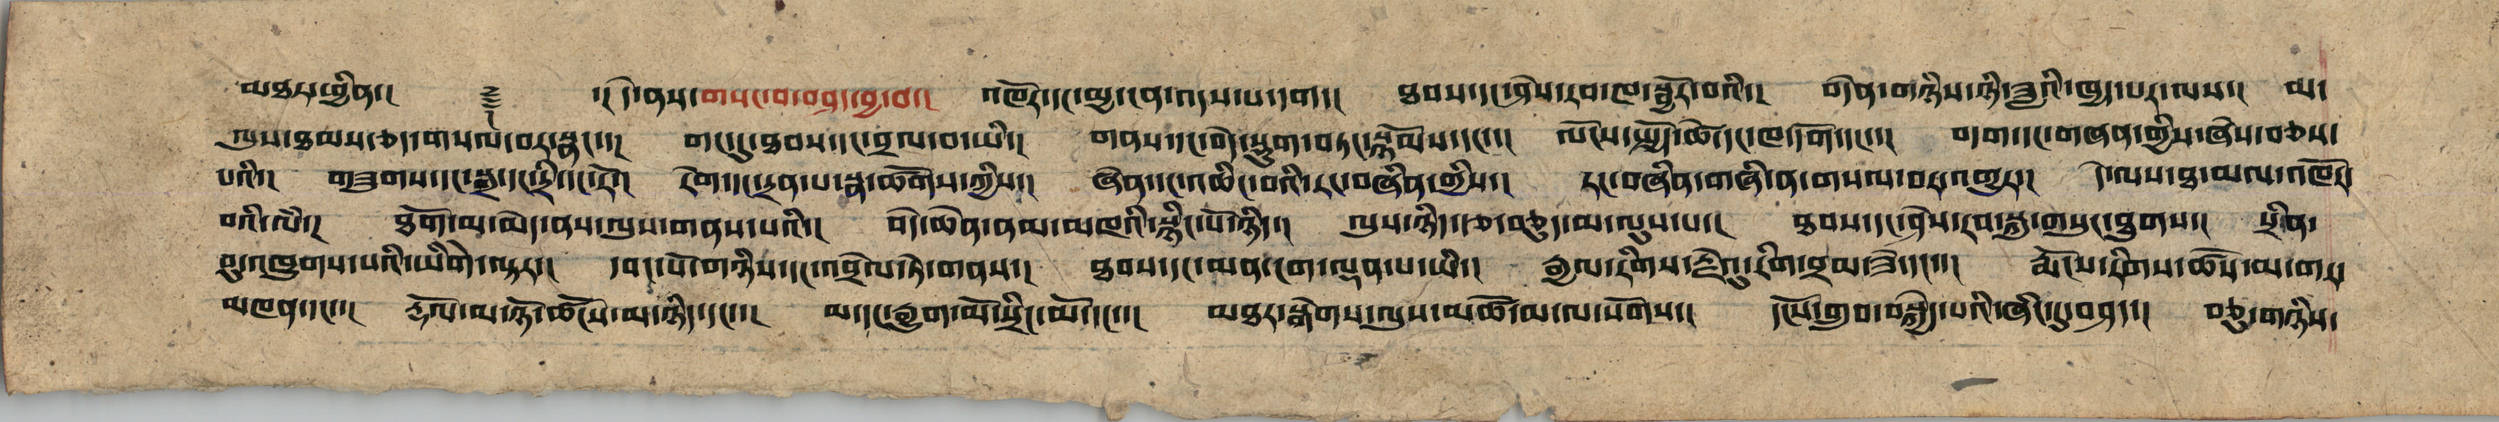མཐར་ཕྱིན་། ࿑ ་།དེ་ནས་གསང་བ་བཤད་བྱ་བ་། འཁོར་དང་མྱ་ངན་འདས་པ་དག་། ཐབས་དང་ཤེས་རབ་ཁ་སྦྱོར་བའི་། བདེན་གཉིས་ཉི་ཟླའི་ཁྱད་པར་ལས་། མ་
ལུས་ཐམས་ཅད་གསལ་བར་སྣང་་། གང་དུ་ཐབས་དང་བྲལ་བ་ཡི་། གནས་དང་བདེ་སྡུག་བཏང་སྙོམས་དང་་། ལོངས་སྤྱོད་ཚེ་དང་ཁ་དོག་དང་་། བདག་དང་གཞན་གྱིས་ཞེས་བཅས་
པའི་། གཟུགས་དང་སྒྲ་དང་དྲི་དང་རོ་། རེག་དང་དྲན་པ་སྣ་ཚོགས་ཀྱིས་། ཞེན་དང་འཆིང་བའི་རང་བཞིན་གྱིས་། རང་བཞིན་གཞི་ན་གསལ་བར་འགྱུར་། དེ་ལས་ཐ་མལ་འཁོར་
བའི་ལཾ་། ཐོག་མ་མེད་ནས་ལུས་གནས་པའི་། བདེ་ཆེན་ནམ་མཁའི་སྙིང་པོ་ཉིད་། ལུས་ཉིད་རྩ་བཅུད་མ་ལུས་པ་། ཐབས་དང་ཤེས་རབ་སྐུ་གསུང་ཐུགས་། སྲིན་
བུ་འཁྱུགས་པའི་ཡིགེ་ལྟར་། དབང་པོ་གཉིས་དང་འབྲེལ་ཏེ་གནས་། ཐབས་དང་མན་ངག་ལྡན་པ་ཡི་། རྒྱལ་རིགས་རྗེའུ་རིག་བྲམ་ཟེ་དང་་། རྨོངས་རིགས་ཚེས་མ་གར་
མཁན་དང་་། རྡོལ་མ་ཉོ་ཚོངས་མ་ཉིད་དང་་། མ་དང་རྒྱུག་མོ་སྲིང་མོ་དང་་། མཐར་སྒེགས་ལུས་མཚོ་མ་ལ་སོགས་། དངོས་གྲུབ་བསྐྱེད་པའི་ཞིང་དུ་བཤད་། བཅུ་གཉིས་